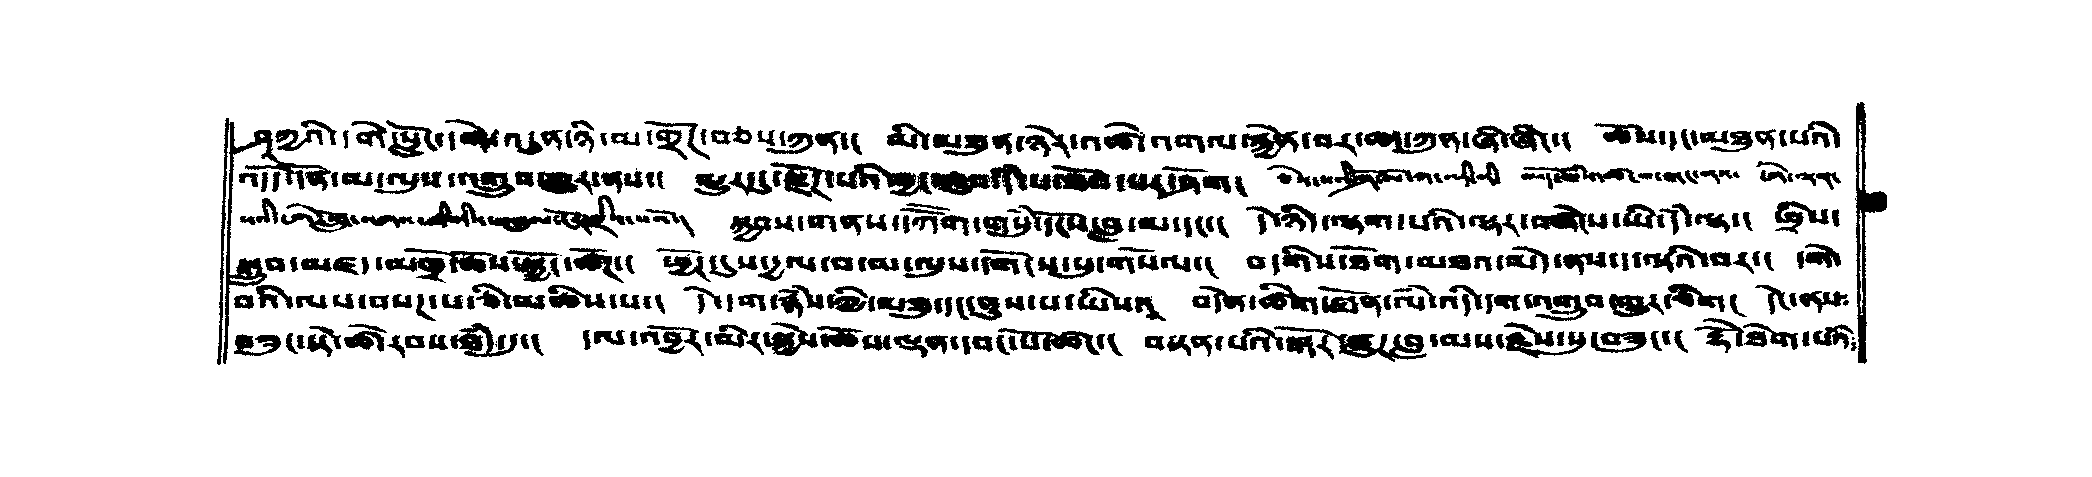ཤཱཀྱའི་དགེ་སློང་དགེ་འདུན་ཉི་མ་གྲོགས་བཅས་ཀུན། །མི་མཐུན་ཉེར་འཚེ་འགལ་རྐྱེན་བར་ཆད་ཀུན་ཞི་ཞིང་། །ཆོས་དང་མཐུན་པའི་
འདོད་དོན་མ་ལུས་འགྲུབ་གྱུར་ནས། །མྱུར་དུ་རྫོགས་པའི་བྱང་ཆུབ་དམ་པ་ཐོབ་པར་ཤོག ཅེས་པའི་ཤོ་ལོ་ཀ་འདི་ནི། མདོ་ཁམས་ཚ་བ་སྒང་ནས་དགེ་ལྡན་
པའི་དགེ་སློབ་འགའ་ཞིག་གིས་བསྐུལ་ངོར་བྲིས་པའོ།། སྐྱབས་གནས་དཀོན་མཆོག་གསུམ་དངོས་བླ་མ་དང་། །དེ་ཉིད་ལྷག་པའི་ལྷར་བཞེངས་ཡི་དམ་ལྷ། །ཕྲིན་ལས་
བསྒྲུབ་མཛད་མཁའ་འགྲོ་ཆོས་སྐྱོང་ཚོགས། །ཕྱོགས་དུས་རྒྱལ་བ་མ་ལུས་དགོངས་སུ་གསོལ། །བདག་གིས་ཐོག་མཐའ་མེད་ནས་ད་ལྟའི་བར། །དགེ་
བའི་ལས་བསགས་གྱུར་པ་ཅི་མཆིས་པ། །དེ་དག་རྣམས་ཀྱི་མཐུ་དང་ནུས་པ་ཡིས། །བདེན་ཚིག་སྨོན་ལམ་འདི་དག་འགྲུབ་གྱུར་ཅིག།དེང་ནས་
བཟུང་སྟེ་ཚེ་རབས་ཐམས་ཅད་དུ། །དལ་འབྱོར་མིར་སྐྱེས་ཆོས་ལྡན་དབང་པོ་ཚང་། །བསྟན་པའི་སྒོར་ཞུགས་བླ་མས་རྗེས་སུ་བཟུང་། །རྡོ་རྗེ་ཐེག་པའི་